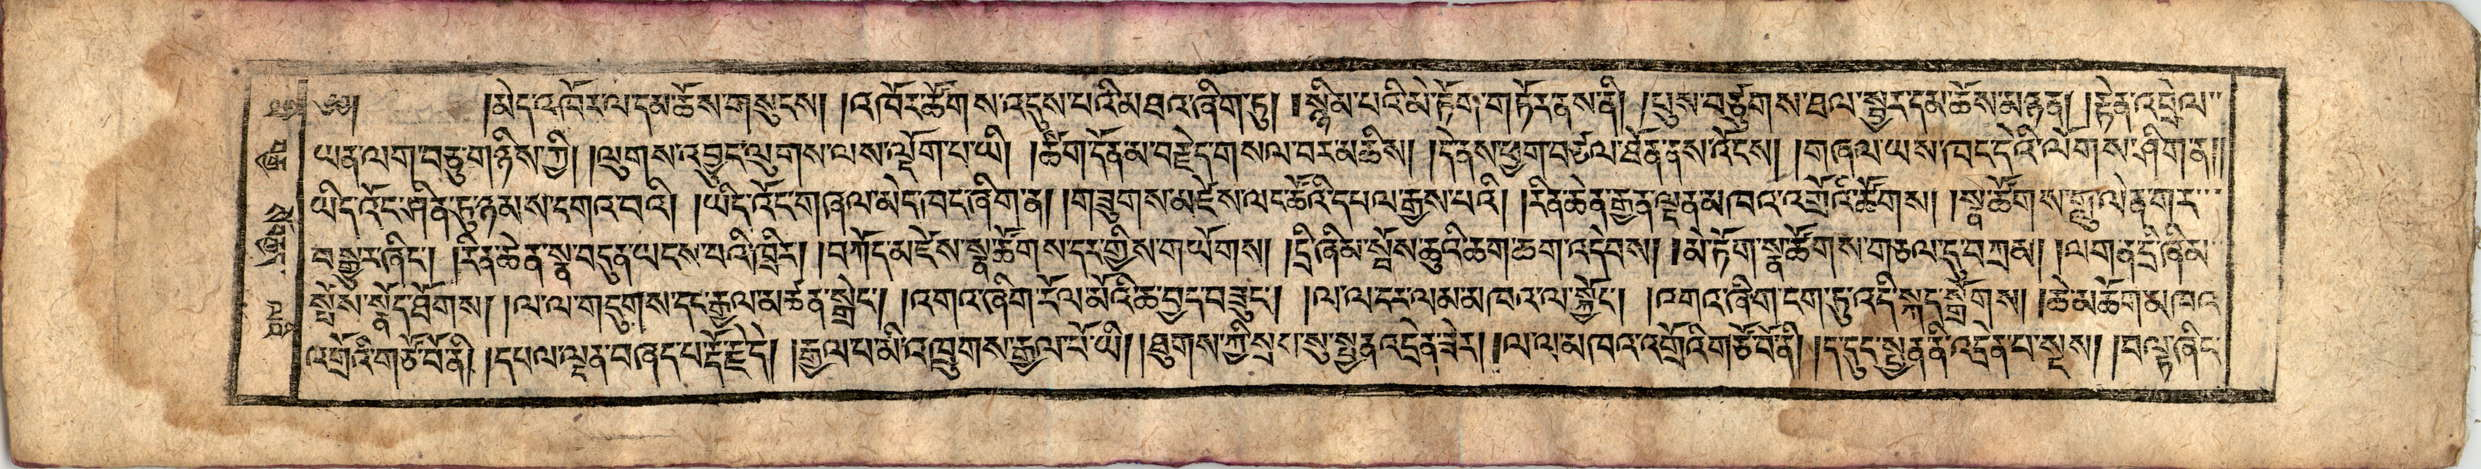མེད་འཁོར་ལ་དམ་ཆོས་གསུངས། །འཁོར་ཚོགས་འདུས་པའི་མཐའ་ཞིག་ཏུ།། སྙིམ་པའི་མེ་ཏོག་གཏོར་ནས་ནི། །པུས་བཙུགས་ཐལ་སྦྱར་དམ་ཆོས་མཉན། །རྟེན་འབྲེལ་
ཡན་ལག་བཅུ་གཉིས་ཀྱི། །ལུགས་འབྱུང་ལུགས་ལས་ལྡོག་པ་ཡི། །ཚིག་དོན་མ་བརྗེད་གསལ་བར་མཆིས། །དེ་ནས་ཕྱག་བཙལ་ཐོན་ནས་འོངས། །གཞལ་ཡས་ཁང་དེའི་ལོགས་ཤིག་ན། །
ཡིད་འོང་ཤིན་ཏུ་ཉམས་དགའ་བའི། །ཡིད་འོང་གཞལ་མེད་ཁང་ཞིག་ན། །གཟུགས་མཛེས་ལང་ཚོའི་དཔལ་རྒྱས་པའི། །རིན་ཆེན་རྒྱན་ལྡན་མཁའ་འགྲོའི་ཚོགས། །སྣ་ཚོགས་གླུ་ལེན་གར་
བསྒྱུར་ཞིང་། །རིན་ཆེན་སྣ་བདུན་ཡངས་པའི་ཁྲིར། །བཀོད་མཛེས་སྣ་ཚོགས་དར་གྱིས་གཡོགས། །དྲི་ཞིམ་སྦོས་ཆུའི་ཆག་ཆག་འདེབས། མེ་ཏོག་སྣ་ཚོགས་གཅལ་དུ་བཀྲམ། །ལག་ན་དྲི་ཞིམ་
སྤོས་སྣོད་ཐོགས། །ལ་ལ་གདུགས་དང་རྒྱལ་མཚན་སྒྲེང་། །འགའ་ཞིག་རོལ་མོའི་ཆ་བྱད་བཟུང་། །ལ་ལ་དར་ལམ་མཁའ་ལ་སྐྱོང་། །འགའ་ཞིག་ངག་ཏུ་འདི་སྐད་སྒྲོགས། །ཆེ་མཆོག་མཁའ་
འགྲོའི་གཙོ་བོ་ནི། །དཔལ་ལྡན་བཞད་པ་རྡོ་རྗེ་དེ། །རྒྱལ་པ་མི་འཁྲུགས་རྒྱལ་པོ་ཡི།།ཐུགས་ཀྱི་སྲས་སུ་སྤྱན་འདྲེན་ཟེར། །ལ་ལ་མཁའ་འགྲོའིགཙོ་བོ་ནི། །ད་དུང་སྤྱན་ནི་འདྲེན་པ་སྔས། །བལྟ་ཞིང་